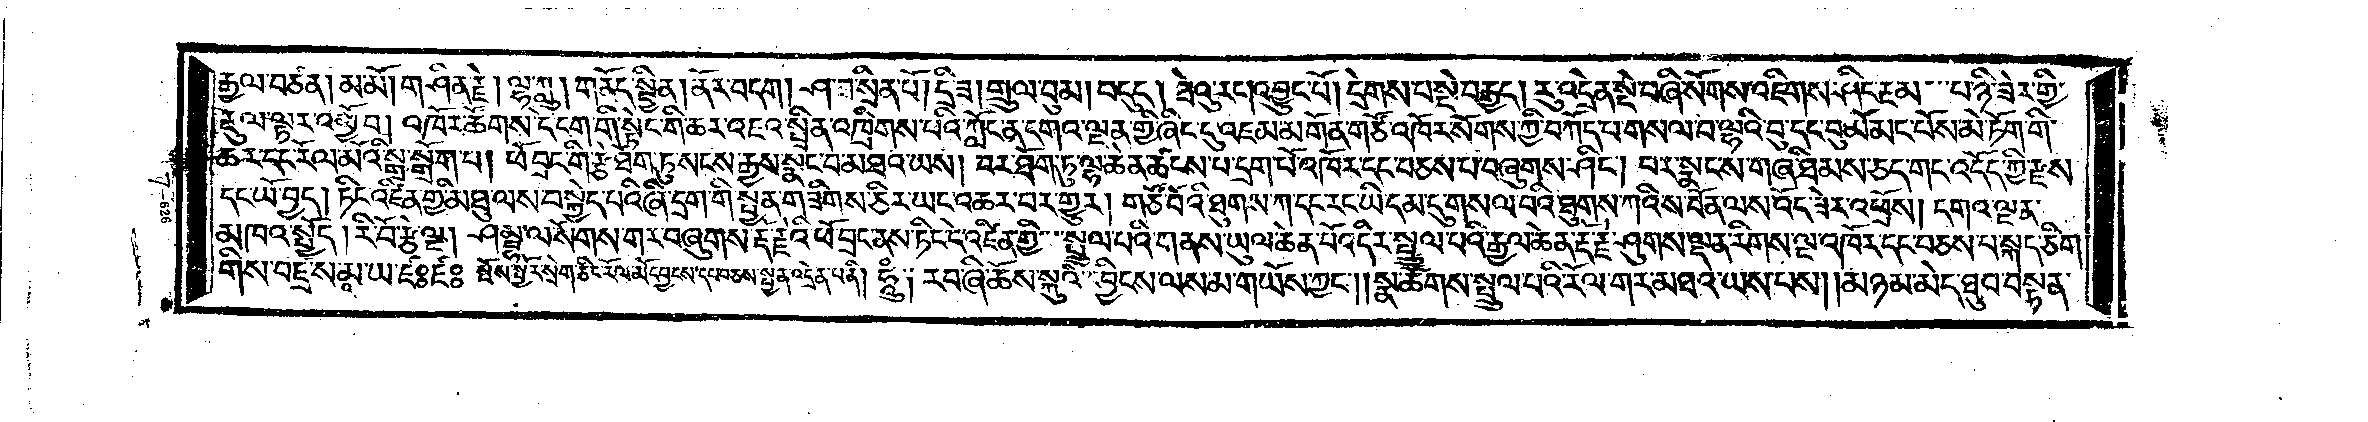རྒྱལ་བཙན། མ་མོ། གཤིན་རྗེ། ལྷ་ཀླུ། གནོད་སྦྱིན། ནོར་བདག། ཤ་ཟ་སྲིན་པོ། དྲི་ཟ། གྲུལ་བུམ། བདུད། ཐེའུ་རང་། འབྱུང་པོ། དྲེགས་པ་སྟེ་བརྒྱད། རུ་འདྲེན་སྡེ་བཞི་སོགས་འཇིགས་ཤིང་རྔམ་པ་ཉི་ཟེར་གྱི་
རྡུལ་ལྟར་འཕྱོ་བ། འཁོར་ཚོགས་དེ་དག་གི་སྟེང་གི་ཆར་འཇའ་སྤྲིན་འཁྲིགས་པའི་ཀློང་ན་དགའ་ལྡན་གྱི་ཞིང་དུ་འཇམ་མགོན་གཙོ་འཁོར་སོགས་ཀྱི་བཀོད་པ་གསལ་བ་ལྷའི་བུ་དང་བུ་མོ་མང་པོས་མེ་ཏོག་གི་
ཆར་དང་རོལ་མོའི་སྒྲ་སྒྲོག་པ། ཕོ་བྲང་གི་རྩེ་ཐོག་ཏུ་སངས་རྒྱས་སྣང་བ་མཐའ་ཡས། བར་ཐོག་ཏུ་ལྷ་ཆེན་ཚངས་པ་དྲག་པོ་འཁོར་དང་བཅས་པ་བཞུགས་ཤིང་། བར་སྣང་ས་གཞི་ཐམས་ཅད་གང་འདོད་ཀྱི་རྫས་
དང་ཡོ་བྱད། ཏིང་འཛིན་གྱི་མཐུ་ལས་བསྐྱེད་པའི་ཞི་དྲག་གི་སྤྱན་གཟིགས་ཅིར་ཡང་འཆར་བར་གྱུར། གཙོ་བོའི་ཐུགས་ཀ་དང་རང་ཡི་དམ་དུ་གསལ་བའི་ཐུགས་ཀའི་ས་བོན་ལས་འོད་ཟེར་འཕྲོས། དགའ་ལྡན་
མཁའ་སྤྱོད། རི་བོ་རྩེ་ལྔ། ཤམྦྷ་ལ་སོགས་གར་བཞུགས་རྡོ་རྗེའི་ཕོ་བྲང་ནས་རིང་ངེ་འཛིན་གྱི་སྤྲུལ་པའི་གནས་ཡུལ་ཆེན་པོ་འདིར་སྤྲུལ་པའི་རྒྱལ་ཆེན་རྡོ་རྗེ་ཤུགས་ལྡན་རིགས་ལྔ་འཁོར་དང་བཅས་པ་སྐད་ཅིག་
གིས་བཛྲ་ས་མཱ་ཡ་ཛཿ ཛཿ སྤོས་སྦྱོར་སྲེག་ཅིང་རོལ་མོ་དབྱངས་དང་བཅས་སྤྱན་འདྲེན་པ་ནི།  ཧཱུཾ༑ རབ་ཞི་ཆོས་སྐུའི་དབྱིངས་ལས་མ་གཡོས་ཀྱང་། །སྣ་ཚོགས་སྤྲུལ་པའི་རོལ་གར་མཐའ་ཡས་པས། །མཉམ་མེད་ཐུབ་བསྟན་